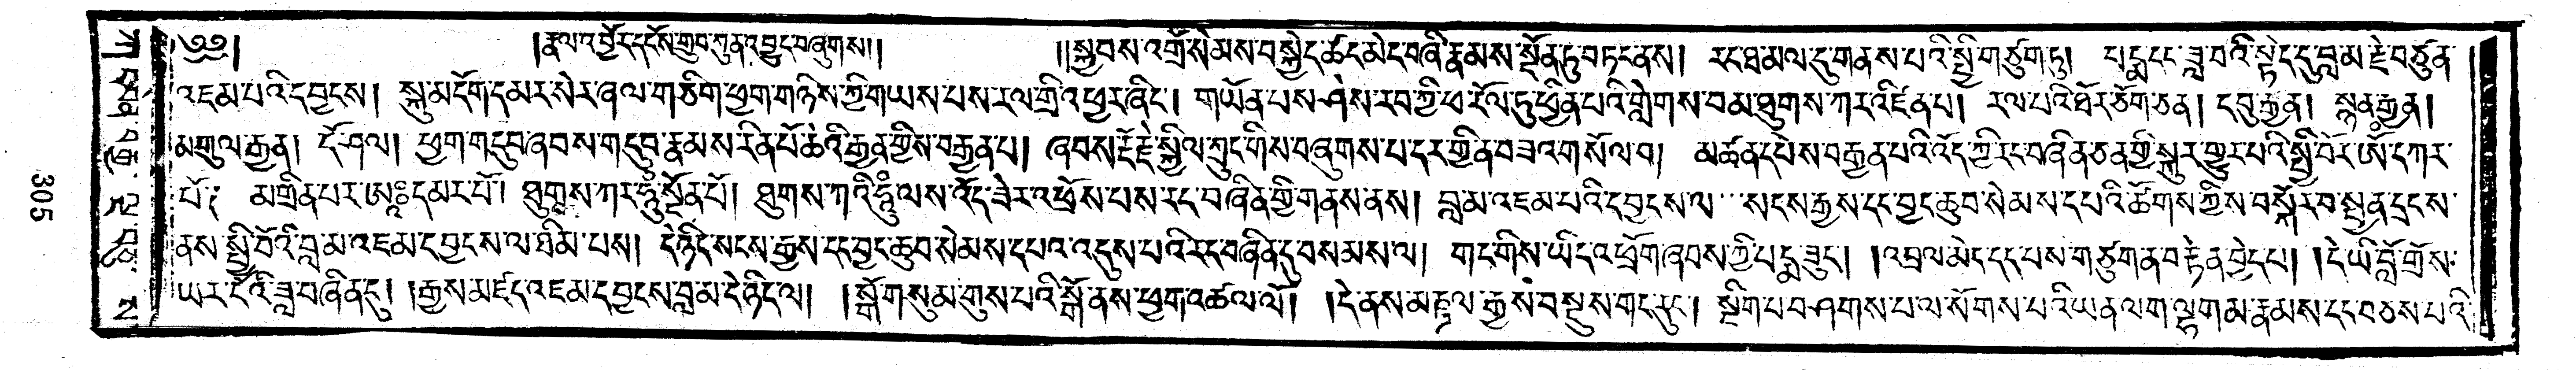༄༅། །རྣལ་འབྱོར་དངོས་གྲུབ་ཀུན་འབྱུང་བཞུགས།། །།སྐྱབས་འགྲོ་སེམས་བསྐྱེད་ཚད་མེད་བཞི་རྣམས་སྔོན་ཏུ་བཏང་ནས། རང་ཐ་མལ་དུ་གནས་པའི་སྤྱི་གཙུག་ཏུ། པདམ་དང་ཟླ་བའི་སྟེང་དུ་བླ་མ་རྗེ་བཙུན་
འཇམ་པའི་དབྱངས། སྐུ་མདོག་དམར་སེར་ཞལ་གཅིག་ཕྱག་གཉིས་ཀྱི་གཡས་པས་རལ་གྲི་འཕྱར་ཞིང་། གཡོན་པས་ཤེས་རབ་ཀྱི་ཕ་རོལ་ཏུ་ཕྱིན་པའི་གླེགས་བམ་ཐུགས་ཀར་འཛིན་པ། རལ་པའི་ཐོར་ཅོག་ཅན། དབུ་རྒྱན། སྙན་རྒྱན།
མགུལ་རྒྱན། དོ་ཤལ། ཕྱག་གདུབ་ཞབས་གདུབ་རྣམས་རིན་པོ་ཆེའི་རྒྱན་གྱིས་བརྒྱན་པ། ཞབས་རྡོ་རྗེ་སྐྱིལ་ཀྲུང་གིས་བཞུགས་པ་དར་གྱི་ན་བཟའ་གསོལ་བ། མཚན་དཔེས་བརྒྱན་པའི་འོད་ཀྱི་རང་བཞིན་ཅན་གྱི་སྐུར་གྱུར་པའི་སྤྱི་བོར་ཨོཾ་དཀར་
པོ༑ མགྲིན་པར་ཨཱཿ དམར་པོ། ཐུགས་ཀར་ཧཱུཾ་སྔོན་པོ། ཐུགས་ཀའི་ཧཱུཾ་ལས་འོད་ཟེར་འཕྲོས་པས་རང་བཞིན་གྱི་གནས་ནས། བླ་མ་འཇམ་པའི་དབྱངས་ལ་སངས་རྒྱས་དང་བྱང་ཆུབ་སེམས་དཔའི་ཚོགས་ཀྱིས་བསྐོར་བ་སྤྱན་དྲངས་
ནས་སྤྱི་བོའི་བླ་མ་འཇམ་དབྱངས་ལ་ཐིམ་པས། དེ་ཉིད་སངས་རྒྱས་དང་བྱང་ཆུབ་སེམས་དཔའ་འདུས་པའི་རང་བཞིན་དུ་བསམས་ལ། གང་གིས་ཡིད་འཕྲོག་ཞབས་ཀྱི་པདམ་ཟུང་། །འབྲལ་མེད་དང་པས་གཙུག་ན་བརྟེན་བྱེད་པ། །དེ་ཡི་བློ་གྲོས་
ཡར་ངོའི་ཟླ་བཞིན་དུ། །རྒྱས་མཛད་འཇམ་དབྱངས་བླ་མ་དེ་ཉིད་ལ། །སྒོ་གསུམ་གུས་པའི་སྒོ་ནས་ཕྱག་འཚལ་ལོ། །དེ་ནས་མཎྜལ་རྒྱས་བསྡུས་གང་རུང་། སྡིག་པ་བཤགས་པ་ལ་སོགས་པའི་ཡན་ལག་ལྷག་མ་རྣམས་དང་བཅས་པའི་